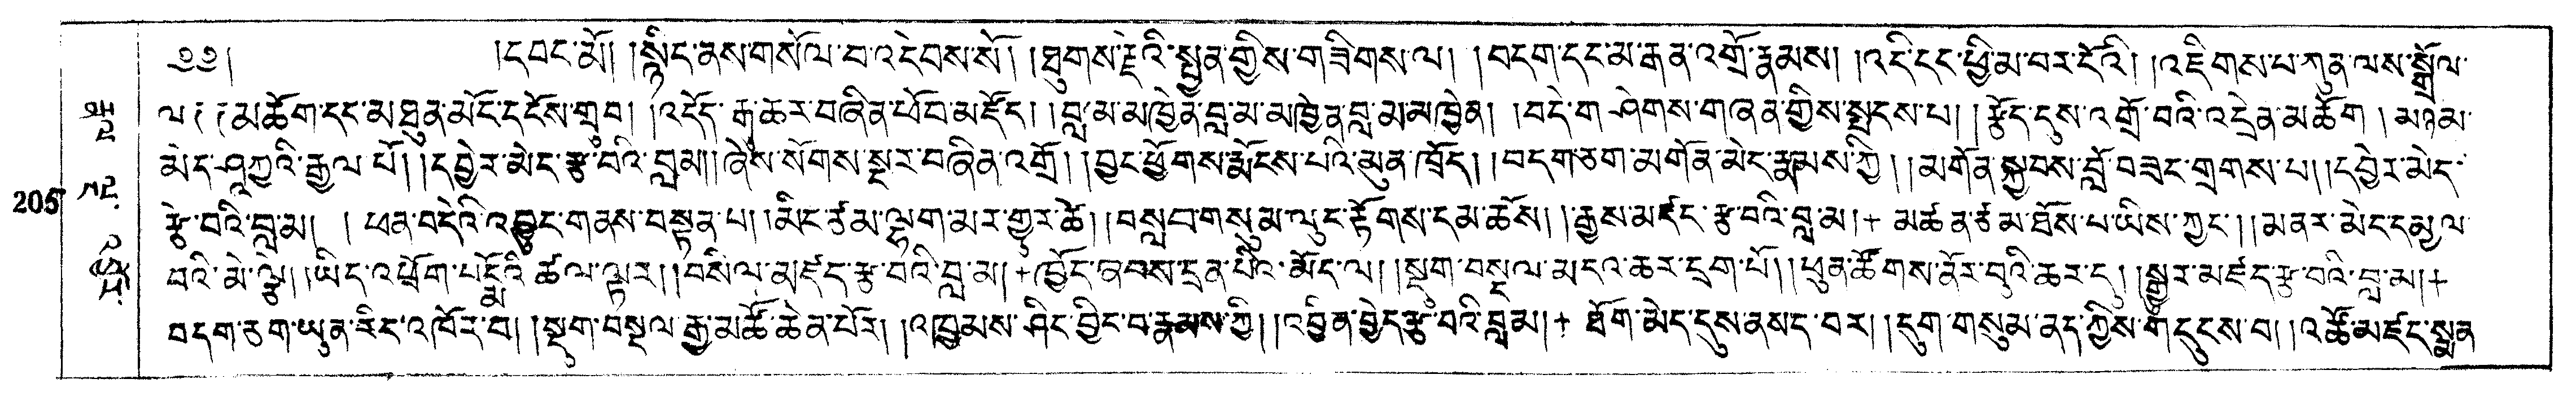༄༅། །དབང་མོ། །སྙིང་ནས་གསོལ་བ་འདེབས་སོ། །ཐུགས་རྗེའི་སྤྱན་གྱིས་གཟིགས་ལ། །བདག་དང་མ་རྒན་འགྲོ་རྣམས། །འདི་དང་ཕྱི་མ་བར་དོའི། །འཇིགས་པ་ཀུན་ལས་སྒྲོལ་
ལ༑ ༑མཆོག་དང་མཐུན་མོང་དངོས་གྲུབ། །འདོད་རྒུ་ཆར་བཞིན་ཕོབ་མཛོད། །བླ་མ་མཁྱེན་བླ་མ་མཁྱེན་བླ་མ་མཁྱེན། །བདེ་གཤེགས་གཞན་གྱིས་སྤངས་པ། །རྩོད་དུས་འགྲོ་བའི་འདྲེན་མཆོག །མཉམ་
མེད་ཤཱཀྱའི་རྒྱལ་པོ། །དབྱེར་མེད་རྩ་བའི་བླ་མ། །ཞེས་སོགས་སྔར་བཞིན་འགྲོ། །བྱང་ཕྱོགས་རྨོངས་པའི་མུན་ཁྲོད། །བདག་ཅག་མགོན་མེད་རྣམས་ཀྱི། །མགོན་སྐྱབས་བློ་བཟང་གྲགས་པ། །དབྱེར་མེད་
རྩ་བའི་བླ་མ། །ཕན་བདེའི་འབྱུང་གནས་བསྟན་པ། །མིང་ཙམ་ལྷག་མར་གྱུར་ཚེ། །བསླབ་གསུམ་ལུང་རྟོགས་དམ་ཆོས། །རྒྱས་མཛད་རྩ་བའི་བླ་མ། ྾་མཚན་ཙམ་ཐོས་པ་ཡིས་ཀྱང་། །མནར་མེད་དམྱལ་
བའི་མེ་ལྕེ། །ཡིད་འཕྲོག་པདམོའི་ཚལ་ལྟར། །བསིལ་མཛད་རྩ་བའི་བླ་མ། ྾་ཁྱོད་ཞབས་དྲན་པའི་མོད་ལ། །སྡུག་བསྔལ་མདའ་ཆར་དྲག་པོ། །ཕུན་ཚོགས་ནོར་བུའི་ཆར་དུ། །སྒྱུར་མཛད་རྩ་བའི་བླ་མ། ྾་
བདག་ཅག་ཡུན་རིང་འཁོར་བ། །སྡུག་བསྔལ་རྒྱ་མཚོ་ཆེན་པོར། །འཁྱམས་ཤིང་བྱིང་བ་རྣམས་ཀྱི། །འབྱིན་བྱེད་རྩ་བའི་བླ་མ། ྾་ཐོག་མེད་དུས་ནས་ད་བར། །དུག་གསུམ་ནད་ཀྱིས་གདུངས་པ། །འཚོ་མཛད་སྨན་